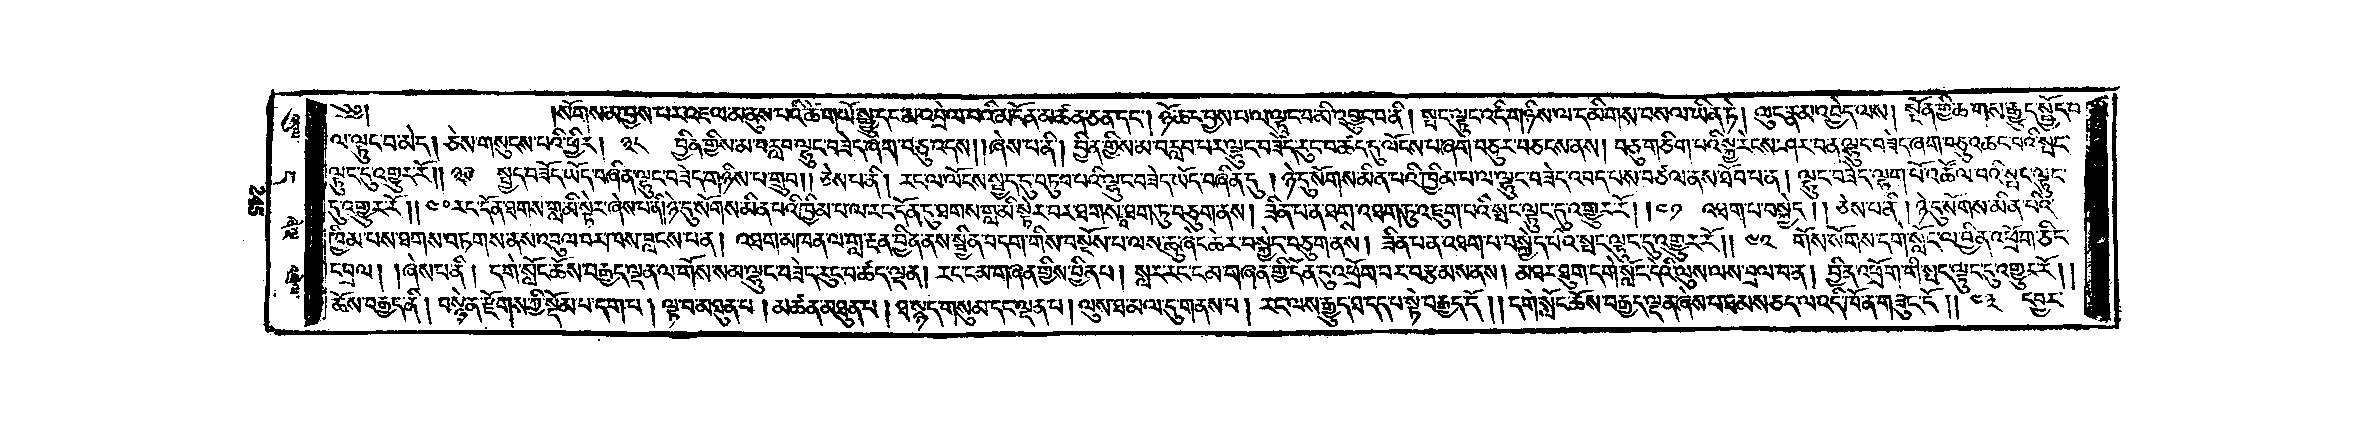༄༅། །སོགས་མ་བྱས་པར་འཇལ་མ་ནུས་པའི་ཚེ་གཡོ་སྒྱུ་དང་མ་འབྲེལ་བའི་མངོན་མཚན་ཅན་དང་། ཉོ་ཆང་བྱས་པ་ལ་ལྟུང་བ་མི་འབྱུང་བ་ནི། སྤང་ལྟུང་འདི་གཉིས་ལ་དམིགས་བསལ་ཡིན་ཏེ། ལུང་རྣམ་འབྱེད་ལས། སྔོན་གྱི་ཆགས་རྒྱུད་སྦྱོང་བ་
ལ་ལྟུང་བ་མེད། ཅེས་གསུངས་པའི་ཕྱིར། བྱིན་གྱིས་མ་བརླབ་ལྷུང་བཟེད་ཞིག་བཅུ་འདས། །ཞེས་པ་ནི། བྱིན་གྱིས་མ་བརླབ་པར་ལྷུང་བཟེད་རུང་བ་ཚད་དུ་ལོངས་པ་ཞག་བཅུར་བཅངས་ནས། བཅུ་གཅིག་པའི་སྐྱ་རེངས་ཤར་བ་ན་ལྷུང་བཟེད་ཞག་བཅུ་འཆང་བའི་སྤང་
ལྟུང་དུ་འགྱུར་རོ། །སྤྱད་བཟོད་ཡོད་བཞིན་ལྷུང་བཟེད་གཉིས་པ་གྲུབ། །ཅེས་པ་ནི། རང་ལ་ལོངས་སྤྱད་དུ་བཏུབ་པའི་ལྷུང་བཟེད་ཡོད་བཞིན་དུ། ཉེ་དུ་སོགས་མིན་པའི་ཁྱིམ་པ་ལ་ལྷུང་བཟེད་འབད་པས་བཙལ་ནས་ཐོབ་པ་ན། ལྷུང་བཟེད་ལྷག་པོ་འཚོལ་བའི་སྤང་ལྟུང་
དུ་འགྱུར་རོ། །རང་དོན་ཐགས་གླ་མི་སྟེར་ཞེས་པ་ནི། ཉེ་དུ་སོགས་མིན་པའི་ཁྱིམ་པ་ལ་རང་དོན་དུ་ཐགས་གླ་མི་སྟེར་བར་ཐགས་འཐག་ཏུ་བཅུག་ནས། ཟིན་པ་ན་ཐགས་འཐག་ཏུ་འཇུག་པའི་སྤང་ལྟུང་དུ་འགྱུར་རོ། །འཐག་པ་བསྐྱེད། །ཅེས་པ་ནི། ཉེ་དུ་སོགས་མིན་པའི་
ཁྱིམ་པས་ཐག་བཏགས་ནས་འབུལ་བར་ཁས་བླངས་པ་ན། འཐག་མཁན་ལ་གླ་རྔན་བྱིན་ནས་སྦྱིན་བདག་གིས་བསྔོས་པ་ལས་ཆུ་ཞེང་ཆེར་བསྐྱེད་བཅུག་ནས། ཟིན་པ་ན་འཐག་པ་བསྐྱེད་པའི་སྤང་ལྟུང་འགྱུར་རོ། །གོས་སོགས་དགེ་སློང་ལ་བྱིན་འཕྲོག་ཅིང་
དཔྲལ། །ཞེས་པ་ནི། དགེ་སློང་ཆོས་བརྒྱད་ལྡན་ལ་གོས་སམ་ལྷུང་བཟེད་རུང་བ་ཚད་ལྡན། རང་ངམ་གཞན་གྱིས་བྱིན་པ། སླར་རང་ངམ་གཞན་གྱི་དོན་དུ་འཕྲོག་པར་བརྩམས་ནས། མཐར་ཐུག་དགེ་སློང་དེའི་ལུས་ལས་བྲལ་བ་ན། བྱིན་འཕྲོག་གི་སྤང་ལྟུང་དུ་འགྱུར་རོ། །
ཆོས་བརྒྱད་ནི། བསྙེན་རྫོགས་ཀྱི་སྡོམ་པ་དག་པ། ལྟ་བ་མཐུན་པ། མཚན་མཐུན་པ། ཐ་སྙད་གསུམ་དང་ལྡན་པ། ལུས་ཐ་མལ་དུ་གནས་པ། རང་ལས་རྒྱུད་ཐ་དད་པ་སྟེ་བརྒྱད་དོ། །དགེ་སློང་ཆོས་བརྒྱད་ལྡན་ཞེས་པ་ཐམས་ཅད་ལ་འདི་ཁོ་ན་གཟུང་ངོ། །དབྱར་